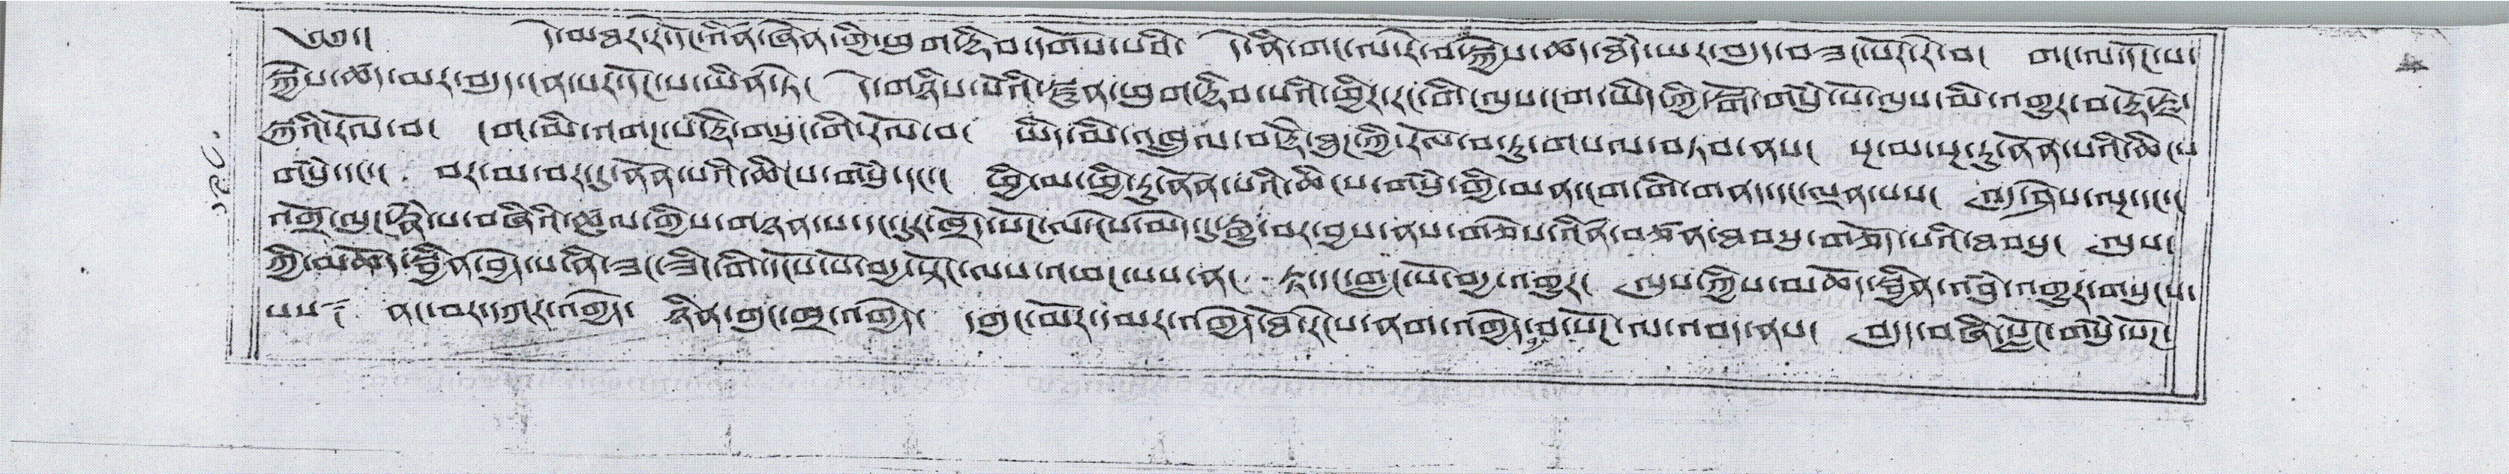དེ་མཐར་རེ་དྭོགས་དང་ཞེན་འཛིན་གྱི་ཕུག་རྡིབ་དགོས་པས། དེ་ནི་གང་ལ་རེ་བ་སྐྱེས་ཚད་ཐམས་ཅད་ཡར་བདུད་བཟང་པོར་རེ་བ། གང་ལ་དྭོགས་པ་
སྐྱེས་ཚད་མར་བདུད་ངན་པར་དྭོགས་པ་ཡིན་ཏེ། དེ་གཉིས་པོའི་རྫུན་ཕུག་རྡིབ་པའི་ཕྱིར་རང་གི་ལུས་ངག་ཡིད་ཀྱི་སྒོ་གསུམ་པོ་ལུས་མི་འགྱུར་བ་རྡོ་རྗེ་
སྐུ་ཡི་རོལ་པ། ངག་མི་འགག་པ་རྡོ་རྗེ་གསུང་གི་རོལ་པ། ཡིད་མི་འཁྲུལ་པ་རྡོ་རྗེ་ཐུགས་ཀྱི་རོལ་པ་རུ་གསལ་བཏབ་ནས། སྔ་མ་སྔ་རུ་ནོན་པའི་ཆིངས་
གསུམ་དང་། བར་མ་བར་དུ་ནོན་པའི་ཆིངས་གསུམ་དང་། ཕྱི་མ་ཕྱི་རུ་ནོན་པའི་ཆིངས་གསུམ་གྱི་མན་ངག་གི་གནད་དང་ལྡན་པས། འདུ་ཤེས་ལྔ་དང་
འགྲོ་ལུགས་རྣམ་པ་བཞིའི་ཚུལ་གྱིས་གཉན་ས་དང་དུར་ཁྲོད་སོགས་ལ་ངེས་མེད་དུ་རྒྱུ་བར་བྱས་ནས་གཅེས་འཛིན་བཙན་ཐབས་སུ་གཅོད་པའི་ཐབས་སུ། ལུས་
ཀྱི་མཆོད་སྦྱིན་བྱེད་པ་ནི་ཟང་ཟིང་གི་དངོས་པོ་བརྒྱ་སྟོང་ལས་འཕགས་པས་ན། རྟ་དང་གླང་པོ་བརྒྱ་འགྱུར། ལུས་ཀྱི་མཆོད་སྦྱིན་འབུམ་འགྱུར། གསུངས་
པས། ནང་པར་དཀར་འགྱེད། ཉིན་གུང་ཁྲ་འགྱེད། དགུང་མོར་དམར་འགྱེད། ཐོ་རེངས་ནག་འགྱེད་བྱ་བ་སོགས་ལ་འབད་ནས། བདུད་བཞི་སློང་གསུམ་སོགས་